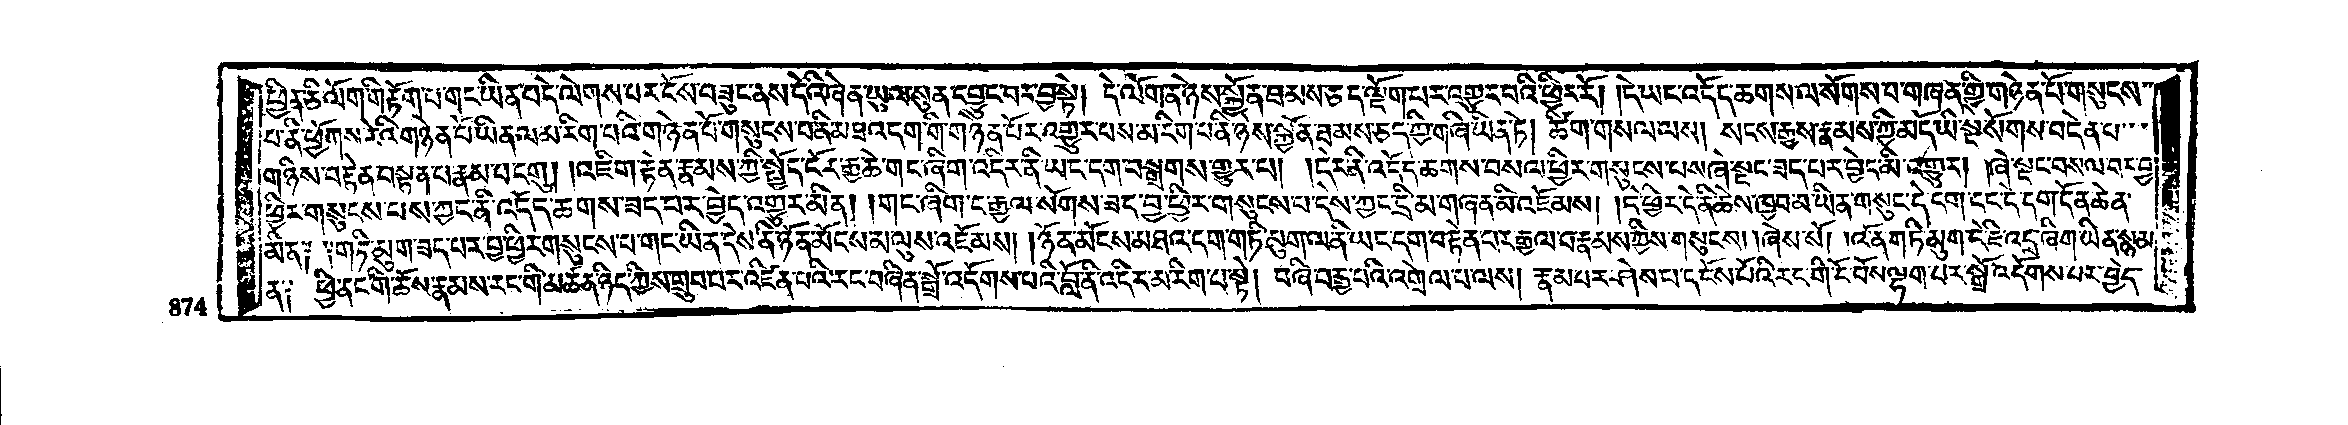ཕྱིན་ཅི་ལོག་གི་རྟོག་པ་གང་ཡིན་པ་དེ་ལེགས་པར་ངོས་བཟུང་ནས་དེའི་ཞེན་ཡུལ་སུན་དབྱུང་བར་བྱ་སྟེ། དེ་ལོག་ན་ཉེས་སྐྱོན་ཐམས་ཅད་ལྡོག་པར་འགྱུར་བའི་ཕྱིར་རོ། །དེ་ཡང་འདོད་ཆགས་ལ་སོགས་པ་གཞན་གྱི་གཉེན་པོ་གསུངས་
པ་ནི་ཕྱོགས་རེའི་གཉེན་པོ་ཡིན་ལ་མ་རིག་པའི་གཉེན་པོ་གསུངས་པ་ནི་མཐའ་དག་གི་གཉེན་པོར་འགྱུར་བས་མ་རིག་པ་ནི་ཉེས་སྐྱོན་ཐམས་ཅད་ཀྱི་གཞི་ཡིན་ཏེ། ཚིག་གསལ་ལས། སངས་རྒྱས་རྣམས་ཀྱི་མདོ་ཡི་སྡེ་སོགས་བདེན་པ་
གཉིས་བརྟེན་བསྟན་པ་རྣམ་པ་དགུ། །འཇིག་རྟེན་རྣམས་ཀྱི་སྤྱོད་ངོར་རྒྱ་ཆེ་གང་ཞིག་འདིར་ནི་ཡང་དག་བསྒྲགས་གྱུར་པ། །དེར་ནི་འདོད་ཆགས་བསལ་ཕྱིར་གསུངས་པས་ཞེ་སྡང་ཟད་པར་བྱེད་མི་འགྱུར། །ཞེ་སྡང་བསལ་བར་བྱ་
ཕྱིར་གསུངས་པས་ཀྱང་ནི་འདོད་ཆགས་ཟད་པར་བྱེད་འགྱུར་མིན། །གང་ཞིག་ང་རྒྱལ་སོགས་ཟད་བྱ་ཕྱིར་གསུངས་པ་དེས་ཀྱང་དྲི་མ་གཞན་མི་འཇོམས། །དེ་ཕྱིར་དེ་ནི་ཆེས་ཁྱབ་མ་ཡིན་གསུང་དེ་དག་དང་དེ་དག་དོན་ཆེན་
མིན༑ ༑གཏི་མུག་ཟད་པར་བྱ་ཕྱིར་གསུངས་པ་གང་ཡིན་དེས་ནི་ཉོན་མོངས་མ་ལུས་འཇོམས། །ཉོན་མོངས་མཐའ་དག་གཏི་མུག་ལ་ནི་ཡང་དག་བརྟེན་པར་རྒྱལ་བ་རྣམས་ཀྱིས་གསུངས། །ཞེས་སོ། །འོ་ན་གཏི་མུག་དེ་ཇི་འདྲ་ཞིག་ཡིན་སྙམ་
ན༑ ཕྱི་ནང་གི་ཆོས་རྣམས་རང་གི་མཚན་ཉིད་ཀྱིས་གྲུབ་པར་འཛིན་པའི་རང་བཞིན་སྒྲོ་འདོགས་པའི་བློ་ནི་འདིར་མ་རིག་པ་སྟེ། བཞི་བརྒྱ་པའི་འགྲེལ་པ་ལས། རྣམ་པར་ཤེས་པ་དངོས་པོའི་རང་གི་ངོ་བོས་ལྷག་པར་སྒྲོ་འདོགས་པར་བྱེད་